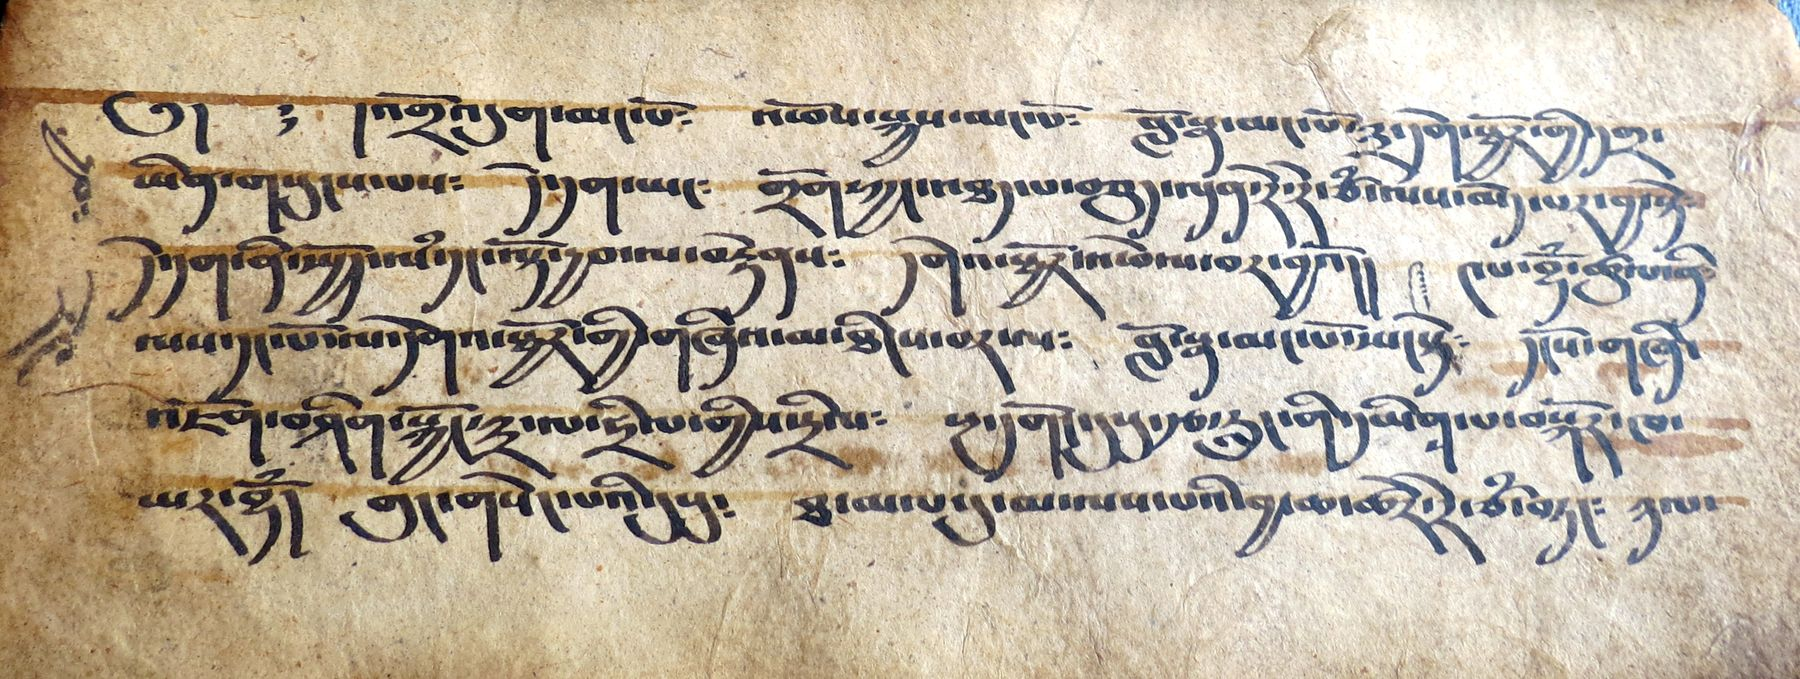འགྲོ་འདུག་མང་པོ། འཕོ་སྐྱས་མང་པོ། བློ་སྣ་མང་བ་གསུམ་དགེ་སྦྱོར་གྱི་དགྲ་
ཡིན་གསུངས་པས། དེ་དག་སྤངས། གྲོགས་ཀྱང་འཐད་པ་བཅུད་ལྡན་རེ་རེ་ཙམ་ལས་མེད་པར་བྱ་སྟེ། 
དེ་དག་ནི་ལྟོ་རྒྱབ་དང་སྤྱོད་ལམ་ལ་བརྟེན་ནས་དགེ་སྦྱོར་འཕེལ་བར་བྱའོ། ། བཞི་པ་ལས་སྒོམ་ཚུལ་ནི། 
ལས་དང་པོ་དགེ་སྦྱོར་གྱི་གཞི་མ་ཐེངས་བར་ལ། བློ་སྣ་མང་པོ་སྤོངས་ཏེ། དངོས་གཞི་
འཇོག་བཤིགས་སྐྱོང་གསུམ་ལ་ཧྲིལ་གྱིས་དྲིལ། སྔ་དགོང་དུས་སུ་རྩ་རླུང་གི་དམིགས་སྐོར་ཁ་
ཡར་སྒོམ། གུང་གསེང་བའི་དུས་སུ་ཐ་མལ་དུ་མ་ལུས་པའི་བྱ་ཆ་ཚར་རེ་ཙམ་བཏང་། ཉལ་